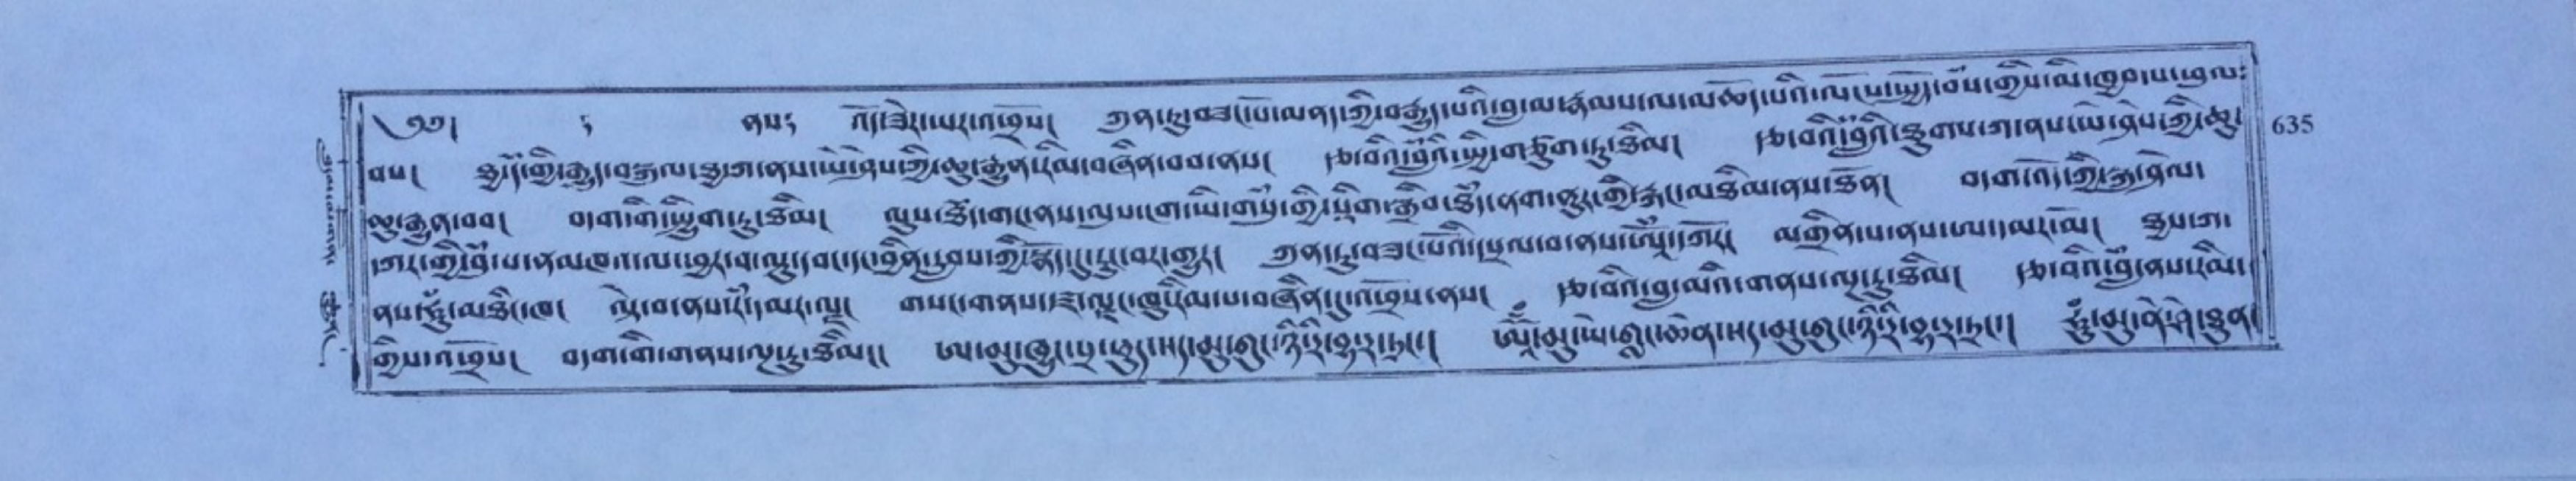ནས། འོད་ཟེར་ཡར་འཕྲོས། ཀུན་ཏུ་བཟང་པོ་མན་ཆད་ཀྱི་བརྒྱུད་པའི་བླ་མ་རྣམས་ལ། མཆོད་པའི་ལོངས་སྤྱོད་བསམ་གྱིས་མི་ཁྱབ་པ་ཕུལ་
བས། ཐུགས་དམ་ཀྱི་རྒྱུད་བསྐུལ། ཐུགས་ཀ་ནས་ཡེ་ཤེས་ཀྱི་ཆུ་རྒྱུན་རིམ་བཞིན་བབས་ནས། རྩ་བའི་བླ་མའི་སྤྱི་གཙུག་ཏུ་ཐིམ། རྩ་བའི་བླ་མའི་ཐུགས་ཀ་ནས་ཡེ་ཤེས་ཀྱི་ཆུ་
ཆུ་རྒྱུན་བབ། བདག་གི་སྤྱི་གཙུག་ཏུ་ཐིམ། ལུས་ཐམས་ཅད་གང་ནས་ལུས་ངག་ཡིད་གསུམ་གྱིས་སྡིག་སྒྲིབ་ཐམས་ཅད་ནག་ནུར་གྱི་རྐང་མཐིལ་ནས་ཐོན། བདག་འོད་ཀྱི་སྐུ་ཤེལ་
དཀར་གྱི་བུམ་པ་ནམ་མཁའ་ལ་ཕྱར་བ་ལྟ་བུ་དབང་དང་བྱིན་རླབས་ཀྱི་སྣོད་དུ་རུང་བར་གྱུར། ཀུན་ཏུ་བཟང་པོའི་དཔྲལ་བ་ནས་ཨཱོཾ་དཀར་པོ། མགྲིན་པ་ནས་ཨ་དམར་པོ། ཐུགས་ཀ་
ནས་ཧཱུྃ་མཐིང་ཁ། ལྟེ་བ་རྃ་དམར་དང་། གསང་གནས་ཛ་ལྗང་ཁུ་རིམ་པ་བཞིན་དུ་འཕྲོས་ནས། རྩ་བའི་བླ་མའི་གནས་ལྔ་རུ་ཐིམ། རྩ་བའི་བླ་མ་ནས་རིམ་
གྱི་འཕྲོས། བདག་གི་གནས་ལྔ་རུ་ཐིམ།། ཨ་མུ་ཁྱུང་སྲ་ཕུད་སད་མུ་གུང་ཉི་རི་བྷ་ར་ཏྲང་།། ཨ་མུ་ཡེ་གླང་ཆེན་སད་མུ་གུ་ཉི་རི་བྷ་ར་ཏྲང་། ཧཱུྃ་མུ་ནེ་ཤེ་ཐུན་